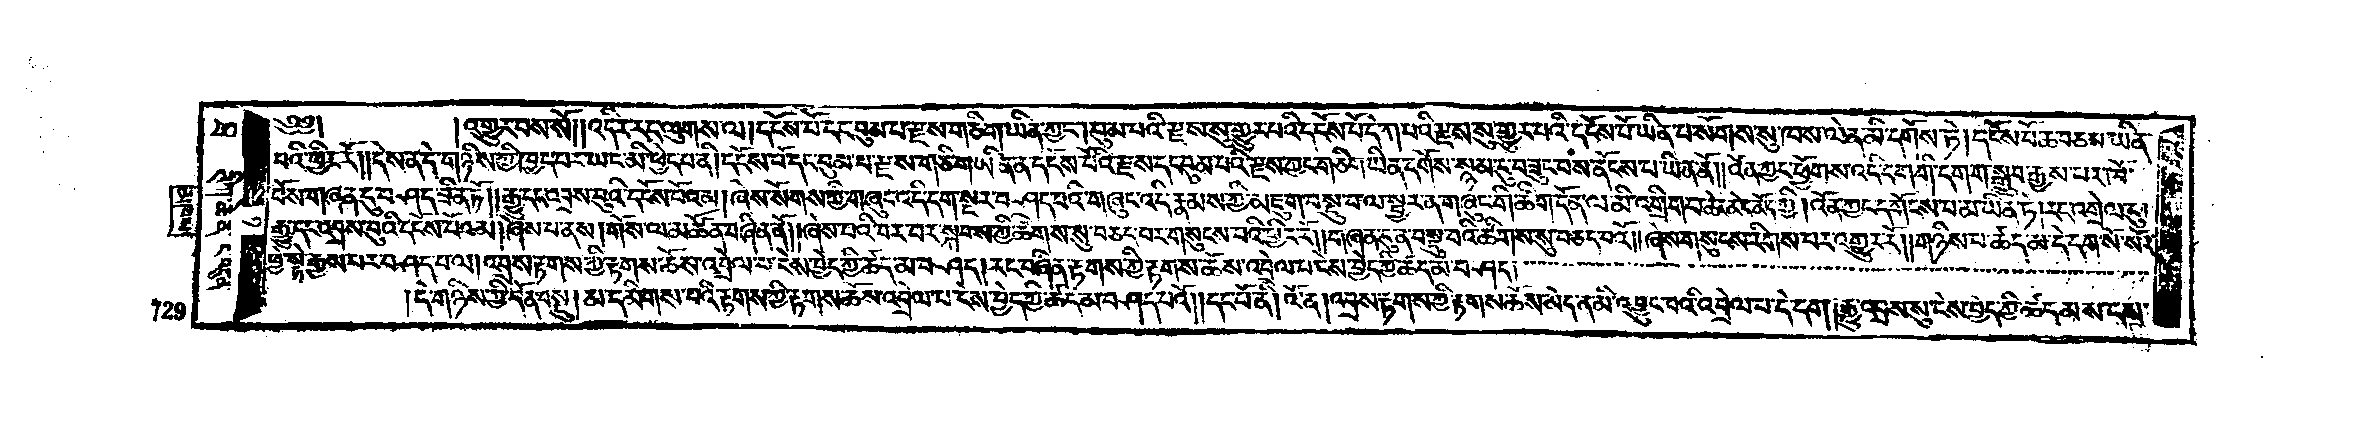༄༅། །འགྱུར་བས་སོ། །འདིར་རང་ལུགས་ལ། དངོས་པོ་དང་བུམ་པ་རྫས་གཅིག་ཡིན་ཀྱང་། བུམ་པའི་རྫས་སུ་གྱུར་པའི་དངོས་པོ་དེ་ཀ་བའི་རྫས་སུ་གྱུར་པའི་དངོས་པོ་ཡིན་པ་སོགས་སུ་ཁས་ལེན་མི་དགོས་ཏེ། དངོས་པོ་ཆ་བཅས་ཡིན་
པའི་ཕྱིར་རོ། །དེས་ན་དེ་གཉིས་ཀྱི་ཁྱད་པར་ཡང་མི་ཕྱེད་པ་ནི། དངོས་པོ་དང་བུམ་པ་རྫས་གཅིག་ཡིན་ན་དངོས་པོའི་རྫས་དང་བུམ་པའི་རྫས་ཀྱང་གཅིག་ཡིན་དགོས་སྙམ་དུ་བཟུང་བས་ནོངས་པ་ཡིན་ནོ། །འོན་ཀྱང་ཕྱོགས་འདི་དག་གི་དགག་སྒྲུབ་རྒྱས་པར་ཁོ་
བོས་གཞན་དུ་བཤད་ཟིན་ཏོ། །རྒྱུ་དང་འབྲས་བུའི་དངོས་པོའམ། ཞེས་སོགས་ཀྱི་གཞུང་འདི་དག་སྔར་བཤད་པའི་གཞུང་འདི་རྣམས་ཀྱི་མཇུག་བསྡུ་བ་ལ་སྦྱར་ན་གཞུང་གི་ཚིག་དོན་ལ་མི་འགྲིག་པ་ཆེར་མེད་མོད་ཀྱི། འོན་ཀྱང་དགོངས་པ་མ་ཡིན་ཏེ། རང་འགྲེལ་དུ།
རྒྱུ་དང་འབྲས་བུའི་དངོས་པོའམ། ཞེས་པ་ནས། གོས་ལ་མཚོན་བཞིན་ནོ། །ཞེས་པའི་བར་བར་སྐབས་ཀྱི་ཚིགས་སུ་བཅད་པར་གསུངས་པའི་ཕྱིར་རོ། །གཞན་དུ་ན་བསྡུ་བའི་ཚིགས་སུ་བཅད་པའོ། །ཞེས་གསུངས་རིགས་པར་འགྱུར་རོ། །གཉིས་པ་ཚད་མ་དེ་དག་སོ་སོར་
ཕྱེ་སྟེ་རྒྱས་པར་བཤད་པ་ལ། འབྲས་རྟགས་ཀྱི་རྟགས་ཆོས་འབྲེལ་བ་ངེས་བྱེད་ཀྱི་ཚད་མ་བཤད། རང་བཞིན་རྟགས་ཀྱི་རྟགས་ཆོས་འབྲེལ་བ་ངེས་བྱེད་ཀྱི་ཚད་མ་བཤད།
།དེ་གཉིས་ཀྱི་དོན་བསྡུ། མ་དམིགས་པའི་རྟགས་ཀྱི་རྟགས་ཆོས་འབྲེལ་བ་ངེས་བྱེད་ཀྱི་ཚད་མ་བཤད་པའོ། །དང་པོ་ནི། འོ་ན། འབྲས་རྟགས་ཀྱི་རྟགས་ཆོས་མེད་ན་མི་འབྱུང་བའི་འབྲེལ་བ་དེ་དག །རྒྱུ་འབྲས་སུ་ངེས་བྱེད་ཀྱི་ཚད་མས་ངེས་